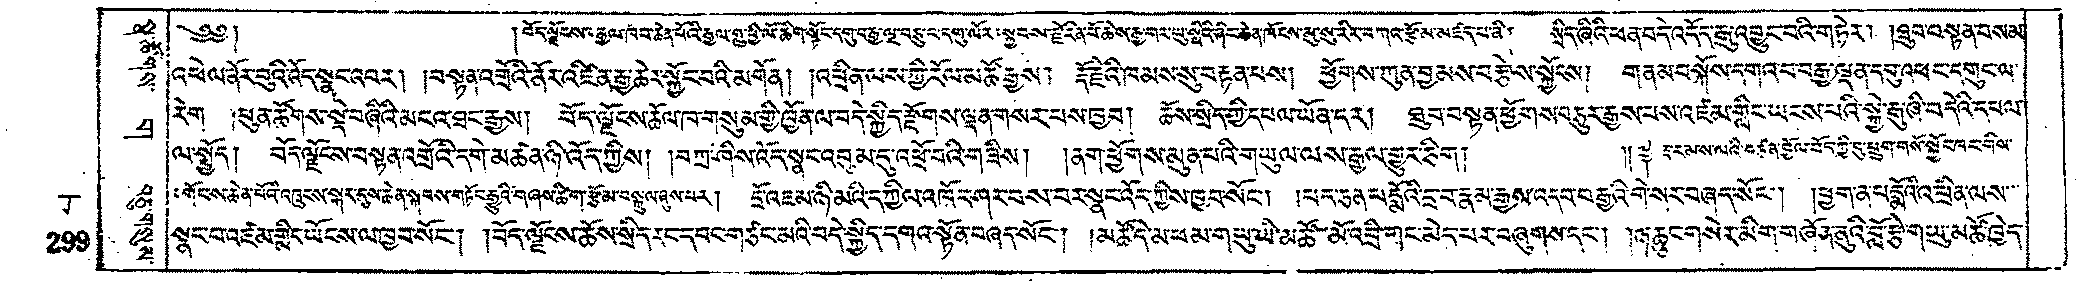༄༅། །བོད་ལྗོངས ༧རྒྱལ་ཁབ་ཆེན་པོའི་རྒྱལ་གླུ་ཕྱི་ལོ་ཆིག་སྟོང་དགུ་བརྒྱ་ལྔ་བཅུ་ང་དགུ་ལོར ༧སྐྱབས་རྗེ་རིན་པོ་ཆེས་རྒྱ་གར་ཡུ་སྤིའི་ཞིང་ཆེན་ཁོངས་མུ་སུ་རིར་བཀའ་རྩོམ་མཛད་པ་ནི།  སྲིད་ཞིའི་ཕན་བདེ་འདོད་རྒུ་འབྱུང་བའི་གཏེར། །ཐུབ་བསྟན་བསམ་
འཕེལ་ནོར་བུའི་འོད་སྣང་འབར། །བསྟན་འགྲོའི་ནོར་འཛིན་རྒྱ་ཆེར་སྐྱོང་བའི་མགོན། །འཕྲིན་ལས་ཀྱི་རོལ་མཚོ་རྒྱས། རྡོ་རྗེའི་ཁམས་སུ་བརྟན་པས། ཕྱོགས་ཀུན་བྱམས་བརྩེས་སྐྱོངས། གནམ་བསྐོས་དགའ་བ་བརྒྱ་ལྡན་དབུ་འཕང་དགུང་ལ་
རེག །ཕུན་ཚོགས་སྡེ་བཞིའི་མངའ་ཐང་རྒྱས། བོད་ལྗོངས་ཆོལ་ཁ་གསུམ་གྱི་ཁྱོན་ལ་བདེ་སྐྱིད་རྫོགས་ལྡན་གསར་པས་ཁྱབ། ཆོས་སྲིད་ཀྱི་དཔལ་ཡོན་དར། ཐུབ་བསྟན་ཕྱོགས་བཅུར་རྒྱས་པས་འཛམ་གླིང་ཡངས་པའི་སྐྱེ་རྒུ་ཞི་བདེའི་དཔལ་
ལ་སྤྱོད། བོད་ལྗོངས་བསྟན་འགྲོའི་དགེ་མཚན་ཉི་འོད་ཀྱིས། །བཀྲ་ཤིས་འོད་སྣང་འབུམ་དུ་འཕྲོ་བའི་གཟིས། །ནག་ཕྱོགས་མུན་པའི་གཡུལ་ལས་རྒྱལ་གྱུར་ཅིག། །། འ་རྡ་རམ་ས་ལའི་བཙན་བྱོལ་བོད་ཀྱི་བུ་ཕྲུག་གསོ་སྐྱོང་ཁང་གིས་
༧གོང་ས་ཆེན་པོའི་འཁྲུངས་སྐར་དུས་ཆེན་སྐབས་གཏོང་རྒྱུའི་གཞས་ཚིག་རྩོམ་བསྐུལ་ཞུས་པར། དྲོ་འཇམ་ཉི་མའི་དཀྱིལ་འཁོར་ཤར་བས་བར་སྣང་འོད་ཀྱིས་ཁྱབ་སོང་། །པད་ཅན་པདམོའི་དྲ་བ་རྣམ་རྒྱས་འདབ་བརྒྱའི་གེ་སར་བཞད་སོང་། །ཕྱག་ན་པདམོའི་འཕྲིན་ལས་་་
སྣང་བ་འཛམ་གླིང་ཡོངས་ལ་ཁྱབ་སོང་། །བོད་ལྗོངས་ཆོས་སྲིད་རང་དབང་གཙང་མའི་བདེ་སྐྱིད་དགའ་སྟོན་བཞད་སོང་། །མཚོ་དེ་མ་ཕམ་གཡུ་མཚོ་མོ་འབྲི་གང་མེད་པར་བཞུགས་དང་། །ཉ་ཆུང་གསེར་མིག་གཞོན་ནུའི་བློ་རྩེ་གཡུ་མཚོ་ཁྱེད་